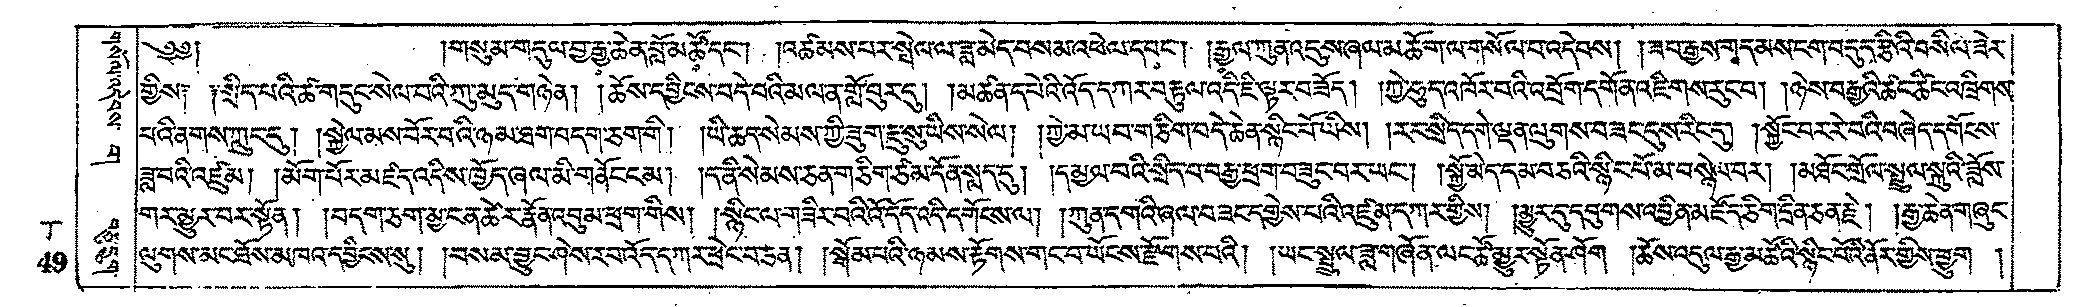༄༅། །གསུམ་གདུལ་བྱ་རྒྱ྾་ཆེན་བློ་མཚོ྾་དང་། །འཚམས་པར་སྤེལ་ལ་ཟླ་མེད་བསམ་འཕེལ་དབང྾། །རྒྱལ྾་ཀུན་འདུས་ཞལ་མཆོག་ལ་གསོལ་བ་འདེབས། །ཟབ་རྒྱས་གདམས་ངག་བདུད་རྩིའི་བསིལ་ཟེར་
གྱིས༑ ༑སྲིད་པའི་ཚ་གདུང་སེལ་བའི་ཀུ་མུད་གཉེན། །ཆོས་དབྱིངས་བདེ་བའི་མལ་ན་གློ་བུར་དུ། །མཚན་དཔེའི་འོད་དཀར་བརྟུལ་འདི་ཇི་ལྟར་བཟོད། །ཀྱེ་ཧུད་འཁོར་བའི་འབྲོག་དགོན་འཇིགས་རུང་བ། །ཉེས་བརྒྱའི་ཚང་ཚིང་འཁྲིགས་
པའི་ནགས་ཀླུང་དུ། །སྐྱེལ་མས་བོར་བའི་ཉམ་ཐག་བདག་ཅག་གི། །ཡི་ཆད་སེམས་ཀྱི་ཟུག་རྔུ་སུ་ཡིས་སེལ། །ཀྱེ་མ་ཡབ་གཅིག་བདེ་ཆེན་སྙིང་པོ་ཡིས། །རང་སྲིད་དགེ་ལྡན་ལུགས་བཟང་དུས་རིང་དུ། །སྐྱོང་བར་རེ་བའི་བཞེད་དགོངས་
ཟླ་བའི་འཛུམ། །མོག་པོར་མཛད་འདིས་ཁྱོད་ཞལ་མི་གནོང་ངམ། །ད་ནི་སེམས་ཅན་གཅིག་ཙམ་དོན་སླད་དུ། །དམྱལ་བའི་སྲིད་པ་བརྒྱ་ཕྲག་བཟུང་བར་ཡང་། །སྐྱོ་མེད་དམ་བཅའི་སྙིང་པོ་མ་བསྙེལ་བར། །མཐོང་གྲོལ་སྤྲུལ་སྐུའི་ཟློས་
གར་མྱུར་བར་སྟོན། །བདག་ཅག་མྱ་ངན་ཚེར་རྣོན་འབུམ་ཕྲག་གིས། །སྙིང་ལ་གཟིར་བའིའོ་དོད་འདི་དགོངས་ལ། །ཀུན་དགའི་ཞལ་བཟང་དགྱེས་པའི་འཛུམ་དཀར་གྱིས། །མྱུར་དུ་དབུགས་འབྱིན་མཛོད་ཅིག་དྲིན་ཅན་རྗེ། །རྒྱ་ཆེན་གཞུང་
ལུགས་མང་ཐོས་མཁའ་དབྱིངས་སུ། །བསམ་བྱུང་ཤེས་རབ་འདོད་དཀར་ཕྲེང་བ་ཅན། །སྒོམ་པའི་ཉམས་རྟོགས་གང་བ་ཡོངས་རྫོགས་པའི། །ཡང་སྤྲུལ་ཟླ་གཞོན་ལང་ཚོ་མྱུར་སྟོན་ཤོག །ཆོས་འདུལ་རྒྱ་མཚོའི་སྙིང་པོའི་ནོར་གྱིས་ཕྱུག།